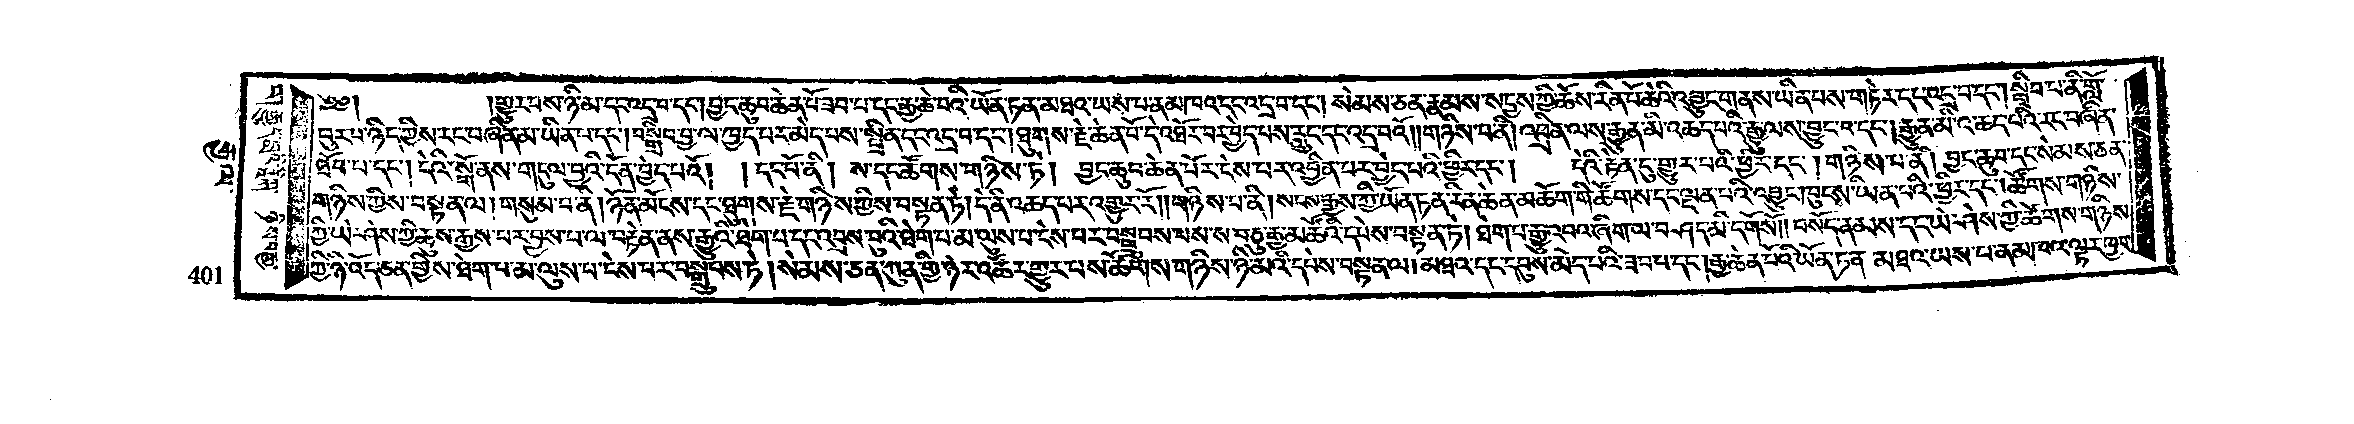༄༅། །གྱུར་པས་ཉི་མ་དང་འདྲ་བ་དང་། བྱང་ཆུབ་ཆེན་པོ་ཟབ་པ་དང་རྒྱ་ཆེ་བའི་ཡོན་ཏན་མཐའ་ཡས་པ་ནམ་མཁའ་དང་འདྲ་བ་དང་། སེམས་ཅན་རྣམས་སངས་རྒྱས་ཀྱི་ཆོས་རིན་པོ་ཆེའི་འབྱུང་གནས་ཡིན་པས་གཏེར་དང་འདྲ་བ་དང་། སྒྲིབ་པ་ནི་གློ་
བུར་པ་ཉིད་ཀྱིས་རང་བཞིན་མ་ཡིན་པ་དང་། བསྒྲིབ་བྱ་ལ་ཁྱད་པར་མེད་པས་སྤྲིན་དང་འདྲ་བ་དང་། ཐུགས་རྗེ་ཆེན་པོ་དེ་འཐོར་བར་བྱེད་པས་རླུང་དང་འདྲ་བའོ། །གཉིས་པ་ནི། འཕྲིན་ལས་རྒྱུན་མི་འཆད་པའི་རྒྱུ་ལས་བྱུང་བ་དང་། རྒྱུན་མི་འཆད་པའི་རང་བཞིན་
ཐོབ་པ་དང་། དེའི་སྒོ་ནས་གདུལ་བྱའི་དོན་བྱེད་པའོ། །དང་པོ་ནི། ས་དང་ཚོགས་གཉིས་ཏེ། བྱང་ཆུབ་ཆེན་པོར་ངེས་པར་འབྱིན་པར་བྱེད་པའི་ཕྱིར་དང་། དེའི་རྟེན་དུ་གྱུར་པའི་ཕྱིར་དང་། གཉིས་པ་ནི། བྱང་ཆུབ་དང་སེམས་ཅན་
གཉིས་ཀྱིས་བསྟན་ལ། གསུམ་པ་ནི། ཉོན་མོངས་དང་ཐུགས་རྗེ་གཉིས་ཀྱིས་བསྟན་ཏེ། དེ་ནི་འཆད་པར་འགྱུར་རོ། །གཉིས་པ་ནི། སངས་རྒྱས་ཀྱི་ཡོན་ཏན་རིན་ཆེན་མཆོག་གི་ཚོགས་དང་ལྡན་པའི་འབྱུང་ཁུངས་ཡིན་པའི་ཕྱིར་དང་། ཚོགས་གཉིས་
ཀྱི་ཡེ་ཤེས་ཀྱི་ཆུས་རྒྱས་པར་བྱས་པ་ལ་བརྟེན་ནས་རྒྱུའི་ཐེག་པ་དང་འབྲས་བུའི་ཐེག་པ་མ་ལུས་པ་ངེས་པར་བསྒྲུབས་པས་ས་བཅུ་རྒྱ་མཚོའི་དཔེས་བསྟན་ཏེ། ཐེག་པ་རྒྱུ་འབའ་ཞིག་ལ་བཤད་མི་དགོས་སོ། །བསོད་ནམས་དང་ཡེ་ཤེས་ཀྱི་ཚོགས་གཉིས་
ཀྱི་ཉི་འོད་ཅན་གྱིས་ཐེག་པ་མ་ལུས་པ་ངེས་པར་བསྒྲུབས་ཏེ། སེམས་ཅན་ཀུན་གྱི་ཉེར་འཚོར་གྱུར་པས་ཚོགས་གཉིས་ཉི་མའི་དཔེས་བསྟན་ལ། མཐའ་དང་དབུས་མེད་པའི་ཟབ་པ་དང་། རྒྱ་ཆེན་པོའི་ཡོན་ཏན་མཐའ་ཡས་པ་ནམ་མཁའ་ལྟར་ཁྱབ་